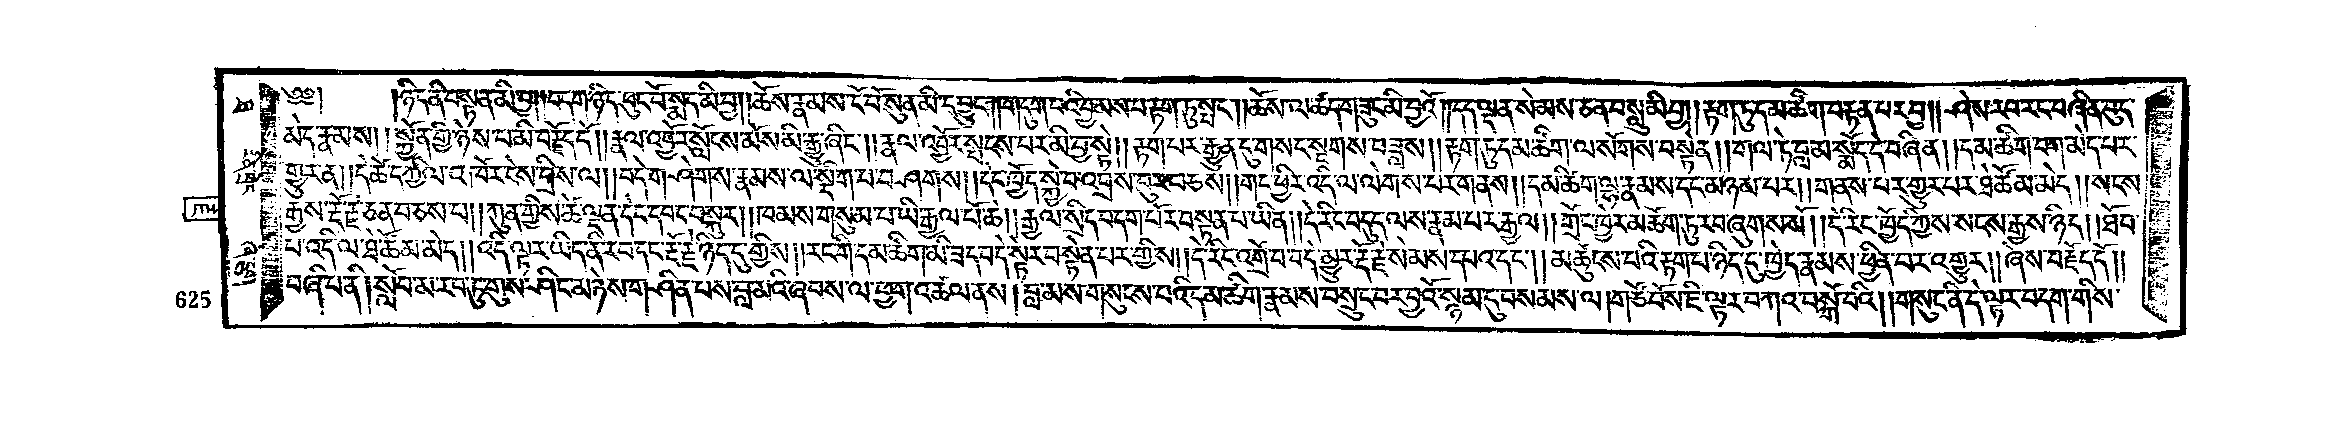༄༅། །ཉིད་ནི་བསྟན་མི་བྱ། །བདག་ཉིད་ཕུང་པོ་སྨད་མི་བྱ། །ཆོས་རྣམས་ངོ་བོ་སུན་མི་དབྱུང་། །གདུག་པའི་བྱམས་པ་རྟག་ཏུ་སྤང་། །ཆོས་ལ་ཚད་གཟུང་མི་བྱའོ། །དད་ལྡན་སེམས་ཅན་བསླུ་མི་བྱ། །རྟག་ཏུ་དམ་ཚིག་བརྟན་པར་བྱ། །ཤེས་རབ་རང་བཞིན་བུད་
མེད་རྣམས། །སྐྱོན་གྱི་ཉེས་པ་མི་བརྗོད་དོ། །རྣལ་འབྱོར་སློངས་མོས་མི་རྒྱུ་ཞིང་། །རྣལ་འབྱོར་སྤངས་པར་མི་བྱ་སྟེ། །རྟག་པར་རྒྱུན་དུ་གསང་སྔགས་བཟླས། །རྟག་ཏུ་དམ་ཚིག་ལ་སོགས་བསྟེན། །གལ་ཏེ་བླ་མ་སྨོད་དེ་བཞིན། །དམ་ཚིག་བག་མེད་པར་
གྱུར་ན། །དེ་ཚེ་དཀྱིལ་འཁོར་ངེས་བྲིས་ལ། །བདེ་གཤེགས་རྣམས་ལ་སྡིག་པ་བཤགས། །དེང་ཁྱོད་སྐྱེ་བ་འབྲས་བུར་བཅས། །གང་ཕྱིར་འདི་ལ་ལེགས་པར་གནས། །དམ་ཚིག་ལྷ་རྣམས་དང་མཉམ་པར། །གནས་པར་གྱུར་པར་ཐེ་ཚོམ་མེད། །སངས་
རྒྱས་རྡོ་རྗེ་ཅན་བཅས་པ། །ཀུན་གྱིས་ཚེ་ལྡན་དེང་དབང་བསྐུར། །ཁམས་གསུམ་པ་ཡི་རྒྱལ་པོ་ཆེ། །རྒྱལ་སྲིད་བདག་པོར་བསྟན་པ་ཡིན། །དེ་རིང་བདུད་ལས་རྣམ་པར་རྒྱལ། །གྲོང་ཁྱེར་མཆོག་ཏུ་རབ་ཞུགས་སོ། །དེ་རིང་ཁྱོད་ཀྱིས་སངས་རྒྱས་ཉིད། །ཐོབ་
པ་འདི་ལ་ཐེ་ཚོམ་མེད། །འདི་ལྟར་ཡིད་ནི་རབ་དང་རྡོ་རྗེ་ཉིད་དུ་གྱིས། །རང་གི་དམ་ཚིག་མི་ཟད་བདེ་སྟེར་བསྟེན་པར་གྱིས། །དེ་རིང་འགྲོ་བ་བདེ་མྱུར་རྡོ་རྗེ་སེམས་དཔའ་དང་། །མཚུངས་པའི་རྟགས་པ་ཉིད་དུ་ཁྱེད་རྣམས་ཕྱིན་པར་འགྱུར། །ཞེས་བརྗོད་དོ། །
བཞི་པ་ནི། སློབ་མ་རབ་ཏུ་གུས་ཤིང་མཉེས་གཤིན་པས་བླ་མའི་ཞབས་ལ་ཕྱག་འཚལ་ནས། བླ་མས་གསུངས་པའི་དམ་ཚིག་རྣམས་བསྲུང་བར་བྱའོ་སྙམ་དུ་བསམས་ལ། གཙོ་བོས་ཇི་ལྟར་བཀའ་བསྒོ་བའི། །གསུང་ནི་དེ་ལྟར་བདག་གིས་